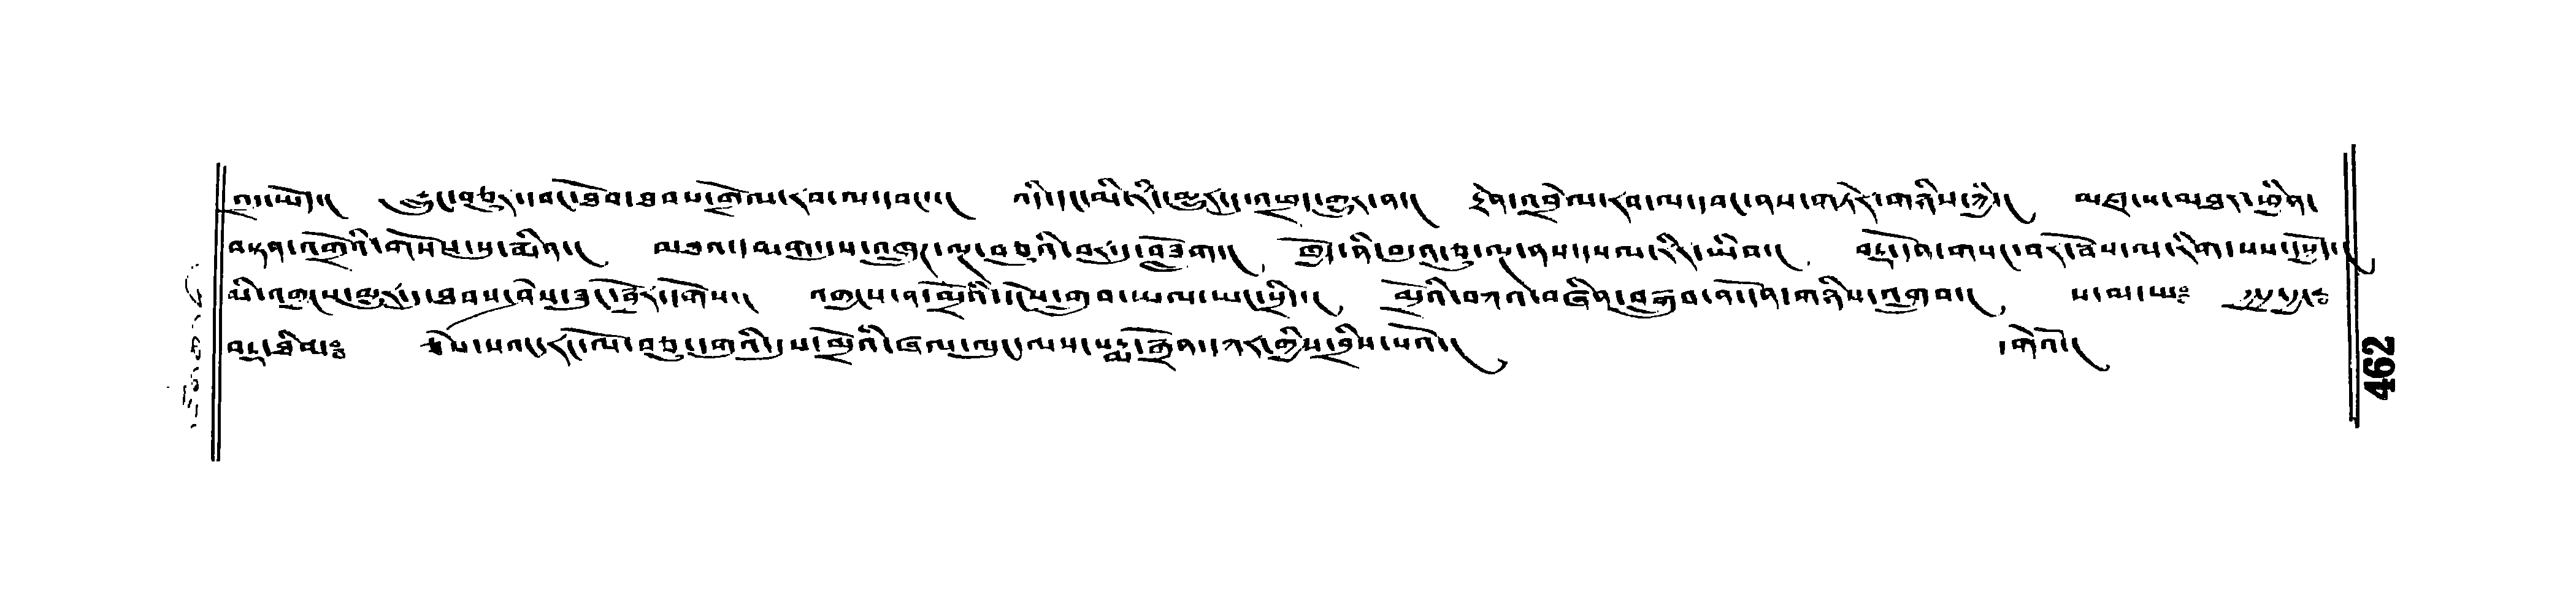འདྲ་ཡོད། །རླུང་བཅུར་དབང་ཐོབ་ཐབས་གྲོལ་རབ་ལ་དབང་། །འདི་དང་མི་རིང་མྱུར་དུ་འཕྲད་གྱུར་ན། །རྟེན་འབྲེལ་རབ་ལ་དབང་ནས་གཏེར་གཉིས་ཀྱི། །མཛད་པ་མཐར་ཕྱིན་
བསྟན་འགྲོའི་གསོས་སུ་སྨིན། །མཐའ་དམག་དུས་འཁྲུགས་ལྔ་བཅུའི་བར་དུ་བཟློག ཁྱོད་ནི་བདུན་ཅུ་ལྔ་ནས་དཔལ་རིར་ཡིབ། །བརྡ་དོན་གསང་བར་སྦོས་ལ་རིག་པས་དཔྱོད། །
མི་འགྱངས་མྱུར་རུ་ཐབས་ཤེས་ཟུང་སྦྱོར་དགོས། །འགྱངས་ན་མཁའ་འགྲོའི་དངོས་གྲུབ་ཡལ་ཡང་སྲིད། །མཁའ་འགྲོའི་བཀའ་བཞིན་བསྒྲུབ་ན་དོན་གཉིས་འགྲུབ།ས་མ་ཡ། རྒྱ་རྒྱ་རྒྱ། 
བརྡ་ཐིམ། ཅེས་པའང་རང་ལོ་བཅུ་དགུའི་དུས་མཁའ་འགྲོའི་ཞལ་ལུང་ལས་པདྨ་སྒྲོན་དཀར་གྱིས་བྲིས་པའོ།། དགེའོ།